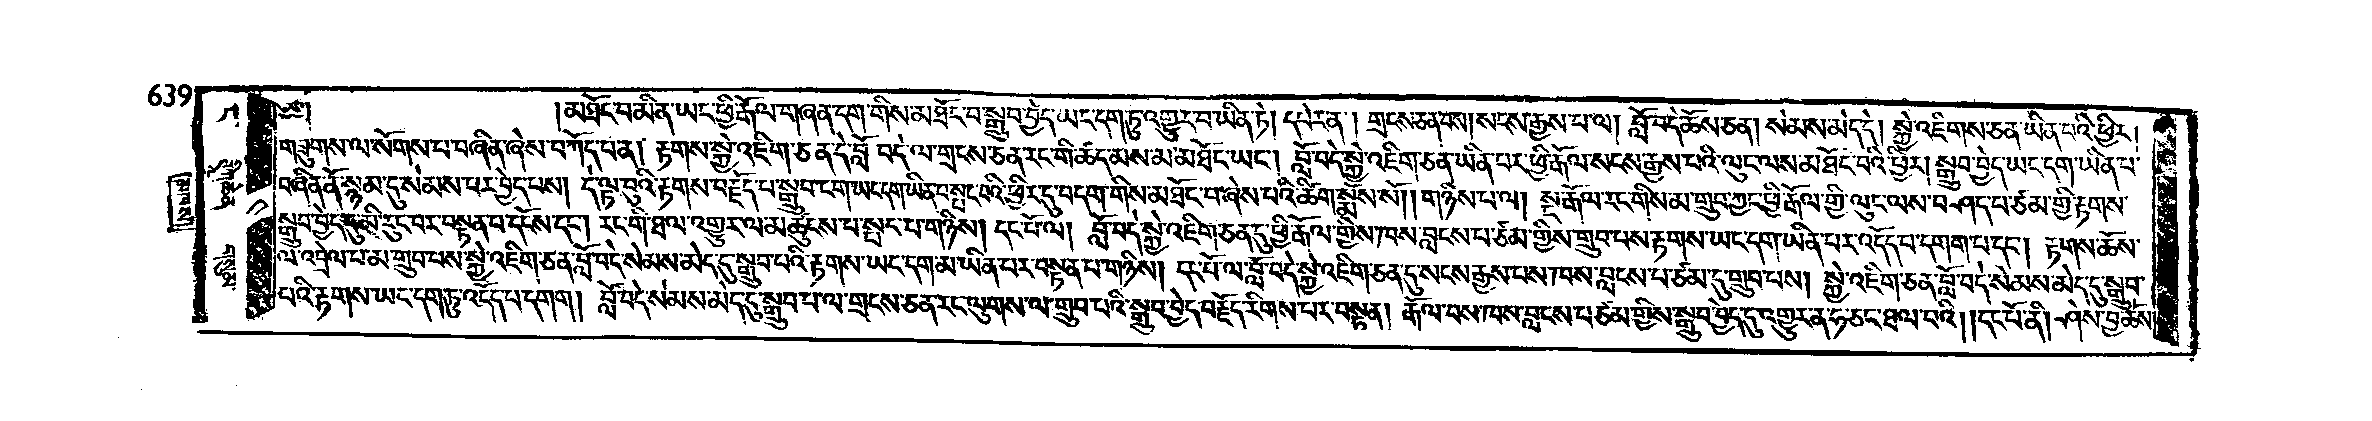༄༅། །མཐོང་བ་མིན་ཡང་ཕྱི་རྒོལ་གཞན་དག་གིས་མཐོང་བ་སྒྲུབ་བྱེད་ཡང་དག་ཏུ་འགྱུར་བ་ཡིན་ཏེ། དཔེར་ན། གྲངས་ཅན་པས། སངས་རྒྱས་པ་ལ། བློ་བདེ་ཆོས་ཅན། སེམས་མེད་དེ། སྐྱེ་འཇིགས་ཅན་ཡིན་པའི་ཕྱིར།
གཟུགས་ལ་སོགས་པ་བཞིན་ཞེས་བཀོད་པ་ན། རྟགས་སྐྱེ་འཇིག་ཅན་དེ་བློ་བདེ་ལ་གྲངས་ཅན་རང་གི་ཚད་མས་མ་མཐོང་ཡང་། བློ་བདེ་སྐྱེ་འཇིག་ཅན་ཡིན་པར་ཕྱི་རྒོལ་སངས་རྒྱས་པའི་ལུང་ལས་མཐོང་བའི་ཕྱིར། སྒྲུབ་བྱེད་ཡང་དག་ཡིན་པ་
བཞིན་ནོ་སྙམ་དུ་སེམས་པར་བྱེད་པས། དེ་ལྟ་བུའི་རྟགས་བརྗོད་པ་སྒྲུབ་ངག་ཡང་དག་ཡིན་པ་སྤང་བའི་ཕྱིར་དུ་བདག་གིས་མཐོང་བ་ཞེས་པའི་ཚིག་སྨོས་སོ། །གཉིས་པ་ལ། སྔ་རྒོལ་རང་གིས་མ་གྲུབ་ཀྱང་ཕྱི་རྒོལ་གྱི་ལུང་ལས་བཤད་པ་ཙམ་གྱི་རྟགས་
སྒྲུབ་བྱེད་དུ་མི་རུང་བར་བསྟན་པ་དངོས་དང་། རང་གི་ཐལ་འགྱུར་ལ་མཚུངས་པ་སྤང་པ་གཉིས། དང་པོ་ལ། བློ་བདེ་སྐྱེ་འཇིག་ཅན་དུ་ཕྱི་རྒོལ་གྱིས་ཁས་བླངས་པ་ཙམ་གྱིས་གྲུབ་པས་རྟགས་ཡང་དག་ཡིན་པར་འདོད་པ་དགག་པ་དང་། རྟགས་ཆོས་
ལ་འབྲེལ་བ་མ་གྲུབ་པས་སྐྱེ་འཇིག་ཅན་བློ་བདེ་སེམས་མེད་དུ་སྒྲུབ་པའི་རྟགས་ཡང་དག་མ་ཡིན་པར་བསྟན་པ་གཉིས། དང་པོ་ལ་བློ་བདེ་སྐྱེ་འཇིག་ཅན་དུ་སངས་རྒྱས་པས་ཁས་བླངས་པ་ཙམ་དུ་གྲུབ་པས། སྐྱེ་འཇིག་ཅན་བློ་བདེ་སེམས་མེད་དུ་སྒྲུབ་
པའི་རྟགས་ཡང་དག་ཏུ་འདོད་པ་དགག། བློ་བདེ་སེམས་མེད་དུ་སྒྲུབ་པ་ལ་གྲངས་ཅན་རང་ལུགས་ལ་གྲུབ་པའི་སྒྲུབ་བྱེད་བརྗོད་རིགས་པར་བསྟན། རྒོལ་བས་ཁས་བླངས་པ་ཙམ་གྱིས་སྒྲུབ་བྱེད་དུ་འགྱུར་ན་ཧ་ཅན་ཐལ་བའི། །དང་པོ་ནི། །ཤེས་བྱ་ཆོས་